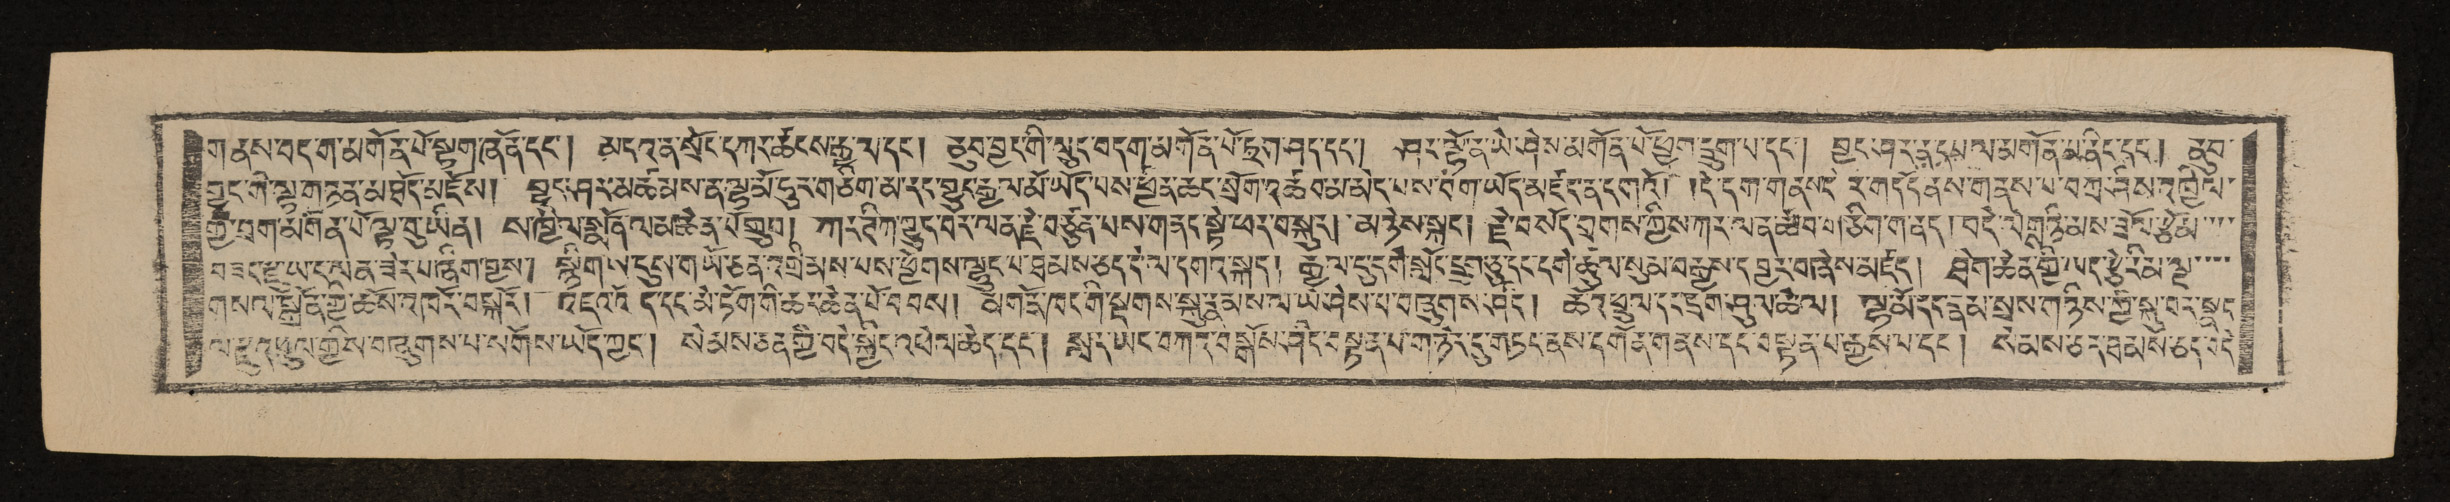གནས་བདག་མགོན་པོ་སྟག་ཞོན་དང་། མདའ་ན་སྲོང་དཀར་ཚངས་རྒྱལ་དང་། ནུབ་བྱང་གི་ལུང་བདག་མགོན་པོ་ཏྲག་ཤད་དང་། ཤར་ལྷོ་ན་ཡེ་ཤེས་མགོན་པོ་ཕྱག་དྲུག་པ་དང་། བྱང་ཤར་ན་དཔལ་མགོན་མ་ནིང་དང་། ནུབ་
བྱང་གི་ལྷ་གཉན་མཐོང་མཛེས། བྱང་ཤར་མཚམས་ན་ལྷ་མོ་ཧུར་གཅིག་མ་རང་བྱུང་རྒྱལ་མོ་ཡོད་པས་ཕྱིན་ཆད་སྲོག་འཚབ་མ་མེད་པས་བག་ཡོད་མཛད་ན་དགའོ། །དེ་དག་གནས་དེར་གདོད་ནས་གནས་པ་བཀྲ་ཤིས་འཁྱིལ་
གྱི་བྲག་མགོན་པོ་ལྟ་བུ་ཡིན། ས་ཁྱིལ་སྨོན་ལམ་ཆེན་པོ་གྲུབ། ཀར་ཊིཀ་བྱུང་བར་ལན་རྗེ་བཙུན་པས་གནང་སྟེ་ཕར་བསྐུར། མཉེས་སྐད། རྗེ་བསོད་གྲགས་ཀྱིས་ཀར་ལན་ཚ་བ་གཅིག་གནང་། བདེ་ལེགས་ཉི་མས་ཟོལ་རྩོམ་
བཟང་རྫུ་ཡང་ལན་ཟེར་བ་ཞིག་བྱས། སྙིགས་དུས་གཡོ་ཅན་འགྲིམས་པས་ཕྱོགས་ལྷུང་པ་ཐམས་ཅད་དེ་ལ་དགའ་སྐད། རྒྱལ་དུ་དགེ་སློང་དྲུག་ཅུ་དང་དགེ་ཚུལ་སུམ་བརྒྱས་དབྱར་བཞེས་མཛད། ཐེག་ཆེན་གྱི་ཡང་རྩེ་རིམ་ལྔ་
གསལ་སྒྲོན་གྱི་ཆོས་འཁོར་བསྐོར། འཇའ་འོད་དང་མེ་ཏོག་གི་ཆར་ཆེན་པོ་བབས། མགོན་ཁང་གི་སྔགས་སྐུ་རྣམས་ལ་ཡེ་ཤེས་པ་བཞུགས་ཤིང་། ཆོ་འཕྲུལ་དང་དྲག་ཤུལ་ཆེ་ལ། ལྷ་མོ་དང་རྣམ་སྲས་གཉིས་ཀྱི་སྐུ་པར་སྣང་
ལ་རྫུ་འཕྲུལ་གྱིས་བཞུགས་པ་སོགས་ཡོད་ཀྱང་། སེམས་ཅན་གྱི་བདེ་སྐྱིད་འཕེལ་ཆེད་དང་། སླར་ཡང་བཀའ་བསྒོས་ཤིང་བསྟན་པ་གཉེར་དུ་གཏད་ནས་དགོན་གནས་དང་བསྟན་པ་རྒྱས་པ་དང་། སེམས་ཅན་ཐམས་ཅད་བདེ་